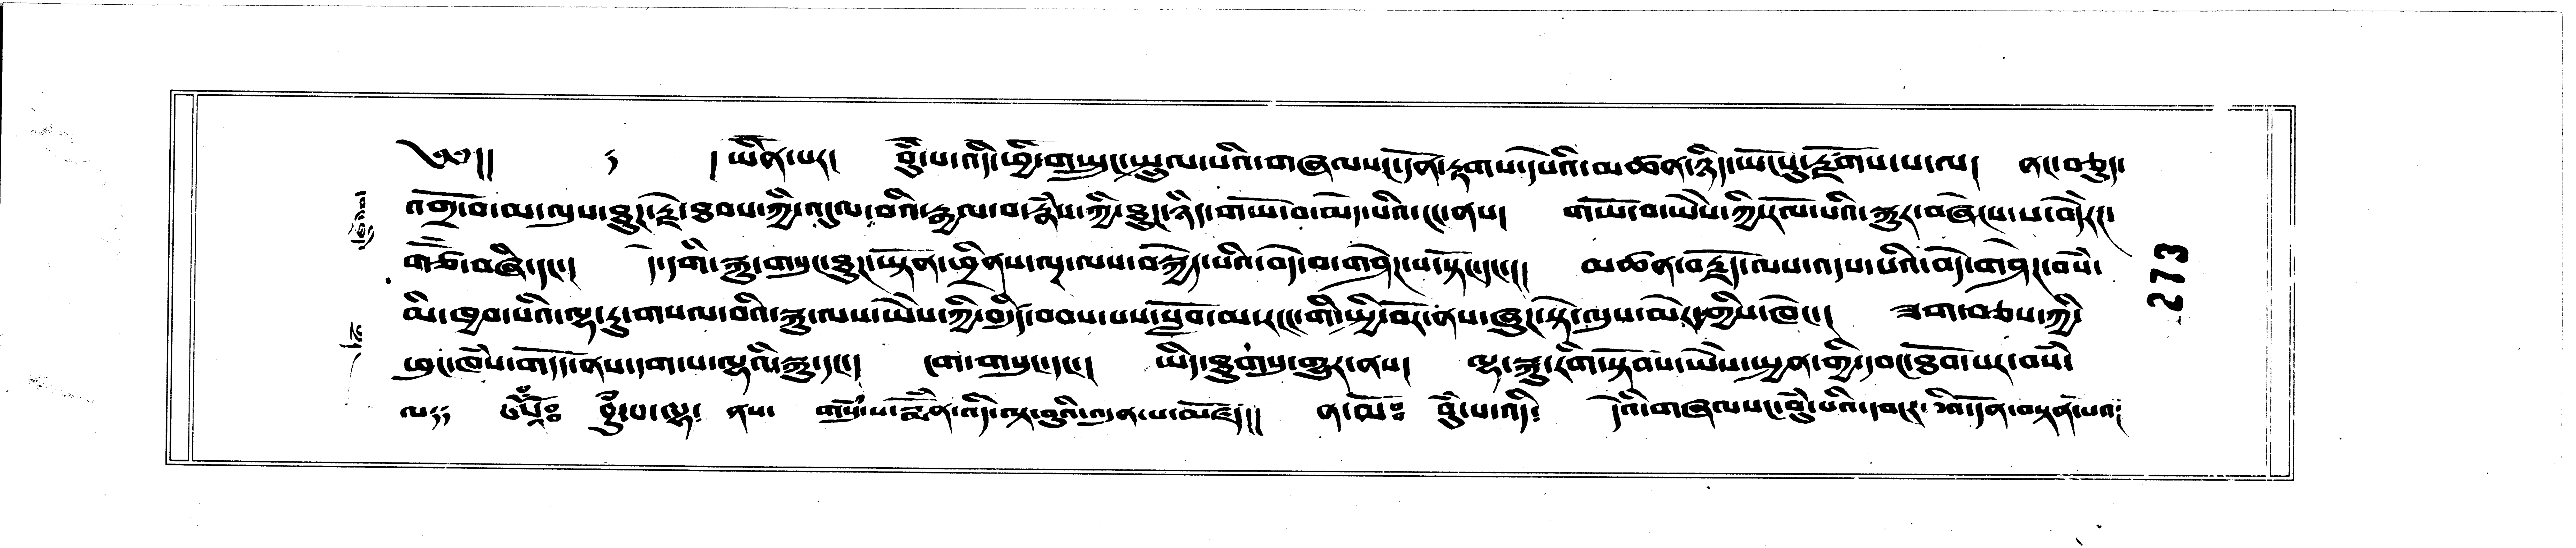ཡིན་པར། བུམ་པ་འདི་ཕྱི་གཡུང་དྲུང་སྤྲུལ་པའི་གཞལ་ཡས་ཁང་དོན་རྟགས་དཔེ་ཡི་མཚན་ཉིད་ཡོངས་སུ་རྫོགས་པ་ལ། ནང་བཅུད་
འགྲོ་བ་མ་ལུས་ཐུགས་རྗེ་ཐབས་ཀྱིས་འདུལ་བའི་རྒྱལ་བ་རྣམས་ཀྱི་ཐུགས་ཉིད་གཡོ་བ་མེད་པའི་ངང་ནས། གཡོ་བ་ཡེ་ཤེས་ཀྱི་རོལ་པའི་སྐུར་བཞེངས་པ་བདེར་གཤེགས་
གཙོ་བོ་བཞི་དང་། དེ་དག་གི་སྐུ་གསུང་ཐུགས་ཡོན་ཏན་ཕྲིན་ལས་ལྔ་ལས་བསྐྱེད་པའི་བདེ་བར་གཤེགས་པ་སྟོང་དང་། མཚན་བརྗོད་ལས་འདས་པའི་བདེར་གཤེགས་བསམ་
མི་ཁྱབ་པའི་ལྷ་རུ་གསལ་བའི་སྐུ་ལས་ཡེ་ཤེས་ཀྱི་བདུད་རྩི་བབས་པས་སློབ་མ་རང་རང་གི་སྤྱི་བོ་ནས་ཞུགས་ཏེ་ལུས་མེར་གྱིས་ཁེངས། ཟག་བཅས་ཀྱི་
ཕུང་ཁམས་གདོད་ནས་དག་པ་ལྷ་ཡི་སྐུ་དང་། ངག་གསུང་དང་། ཡིད་ཐུགས་སུ་གྱུར་ནས་ ལྷ་སྐུ་རིག་སྟོབས་ཡེ་ཤེས་སྤྱན་གྱིས་དབང་ཐོབ་པར་བསམ་
ལ། ཨཱོྃ་བུམ་པ་ལྷ་ནས། གསུམ་པ་སྨོན་ལམ་འདི་ལྟ་བུའི་འདུན་པ་མཛོད། ན་མོ། བུམ་པ་འདི། དེའི་གཞལ་ཡས་ཁང་བུམ་པའི་དབང་བསྐུར་བའི་དོན་བསྟན་པའོ།།